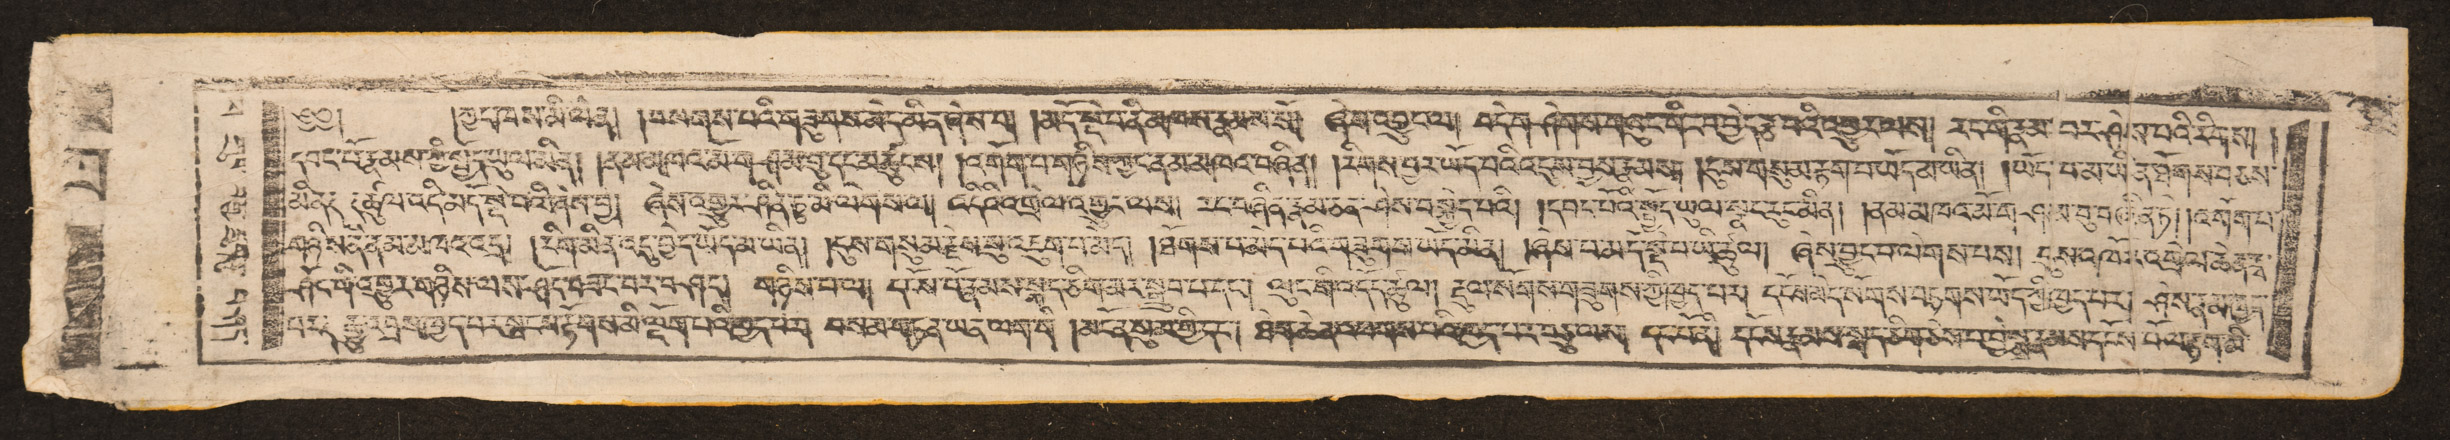༄༅། །ཀྱང་ཁས་མི་ལེན། །བསགས་པའི་གཟུགས་མེད་མིན་ཞེས་པ། །མདོ་སྡེ་བ་ནི་མཁས་རྣམས་སོ། ཞེས་འབྱུང་ལ། བདེ་གཤེགས་གཞུང་གི་རབ་བྱེད་རྩ་བའི་འགྱུར་ལས། རང་གི་རྣམ་པར་ཤེས་པའི་རིགས།།
དབང་བོ་རྣམས་ཀྱི་སྤྱོད་ཡུལ་མིན། །ནམ་མཁའ་མོ་གཤམ་བུ་དང་མཚུངས། །འགོག་པ་གཉིས་ཀྱང་ནམ་མཁའ་བཞིན། །རིགས་བྱར་ཡོད་པའི་འདུས་བྱས་རྣམས། །དུས་གསུམ་རྟག་པ་ཡོད་མ་ཡིན། །ཡོད་པ་མ་ཡིན་ཐོགས་བཅས་
མིན༑ ༑ཚུལ་འདི་མདོ་སྡེ་བའི་ཞེས་བྱ། ཞེས་འགྱུར་ཤིན་ཏུ་མི་ལེགས་ལ། འདིའི་འགྲེལ་འགྱུར་ལས། རང་བཞིན་རྣམ་ཅན་ཤེས་བསྐྱེད་པའི། །དབང་པོའི་སྤྱོད་ཡུལ་སྣང་རུང་མིན། །ནམ་མཁའ་མོ་གཤམ་བུ་བཞིན་ཏེ། །འགོག་པ་
གཉིས་ནི་ནམ་མཁའ་འདྲ། །རིག་མིན་འདུ་བྱེད་ཡོད་མ་ཡིན། །དུས་གསུམ་རྗེས་སུ་འཇུག་པ་མེད། །ཐོགས་པ་མེད་པའི་གཟུགས་ཡོད་མིན། །ཞེས་པ་མདོ་སྡེ་བ་ཡི་ཚུལ། ཞེས་བྱུང་བ་ལེགས་བས། དུས་འཁོར་འགྲེལ་ཆེན་རྭ་
ཤོང་གི་འགྱུར་གཉིས་ལས་ཤོད་བཟང་བར་བཤད། གཉིས་པ་ལ། དངོས་པོ་རྣམས་སྐད་ཅིག་མར་སྒྲུབ་པ་དང་། ལུང་གི་འདོད་ཚུལ། རྡུལ་སོགས་གཟུགས་ཀྱི་ཁྱད་པར། དངོས་མེད་སོགས་བཏགས་ཡོད་ཀྱི་ཁྱད་པར། ཤེས་རྣམ་ཁྱད་
པར༑ རྒྱུ་འབྲས་ཁྱད་པར་སྤངས་རྟོགས་མི་ལྡོག་པའི་ཁྱད་པར། བསམ་གཏན་ཡན་ལག་གི །མངོན་སུམ་གྱི་དང་། ཐེག་ཆེན་འཕགས་པའི་ཁྱད་པར་བཅུ་ལས། དང་པོ་ནི། དངོས་རྣམས་སྐད་ཅིག་ཅེས་པ་བྱེ་སྨྲ་རྣམས་དངོས་པོ་ལ་རྟག་མི་